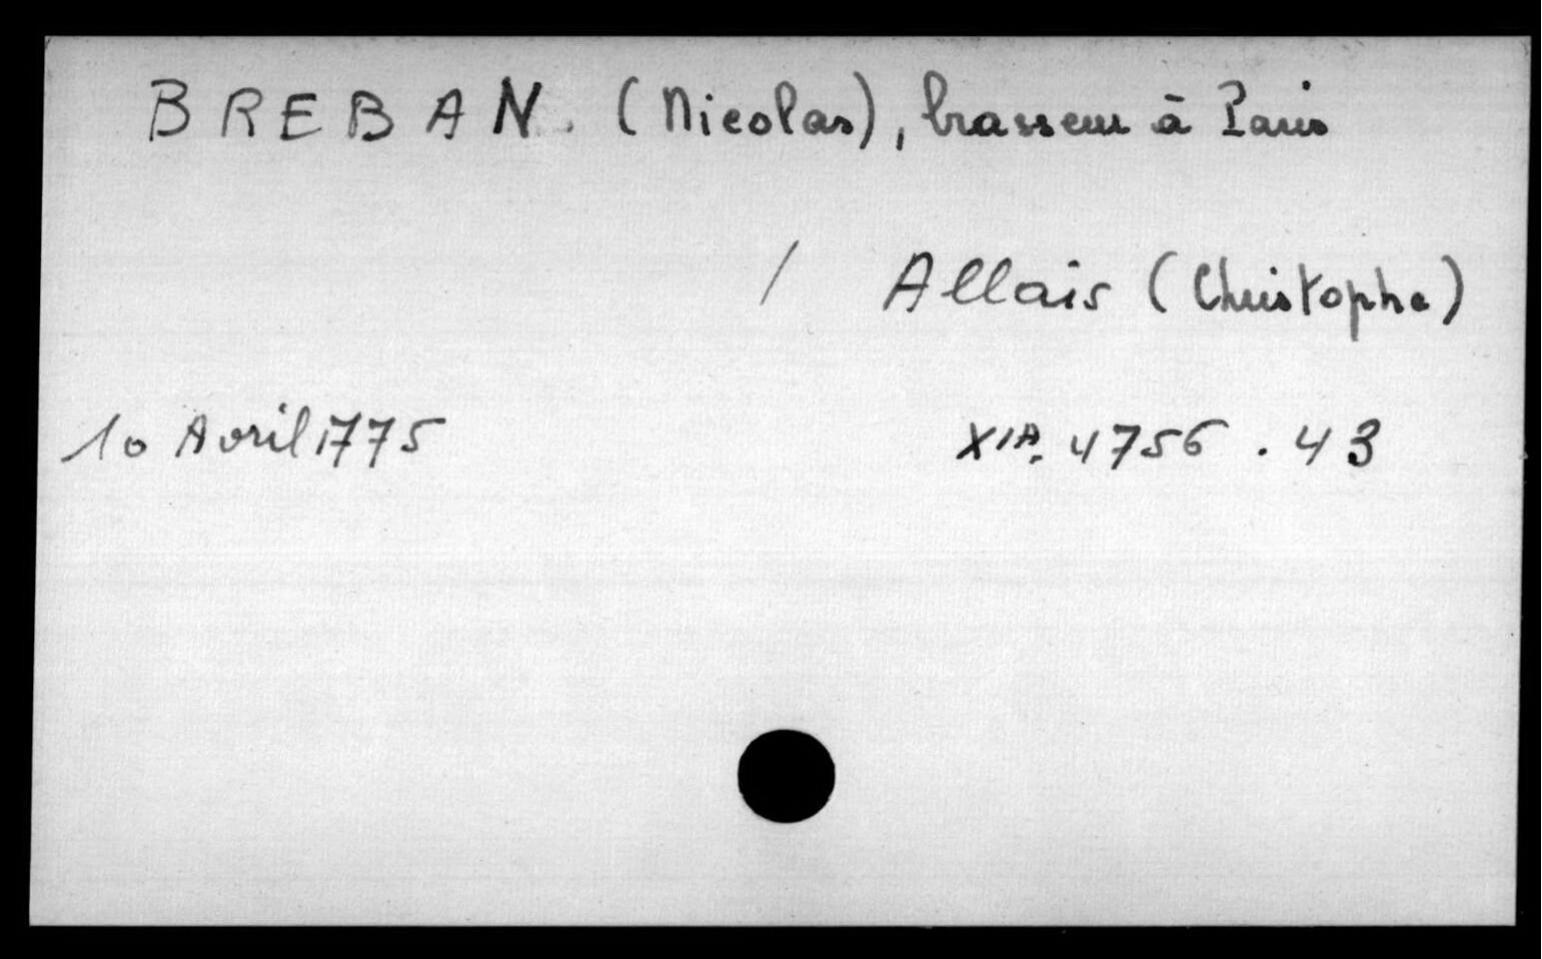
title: BREBAN (Nicolas), brasseur à Paris
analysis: Contre Allais (Chistophe)
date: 10 avril 1775
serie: X1A
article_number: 4756
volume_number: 43
